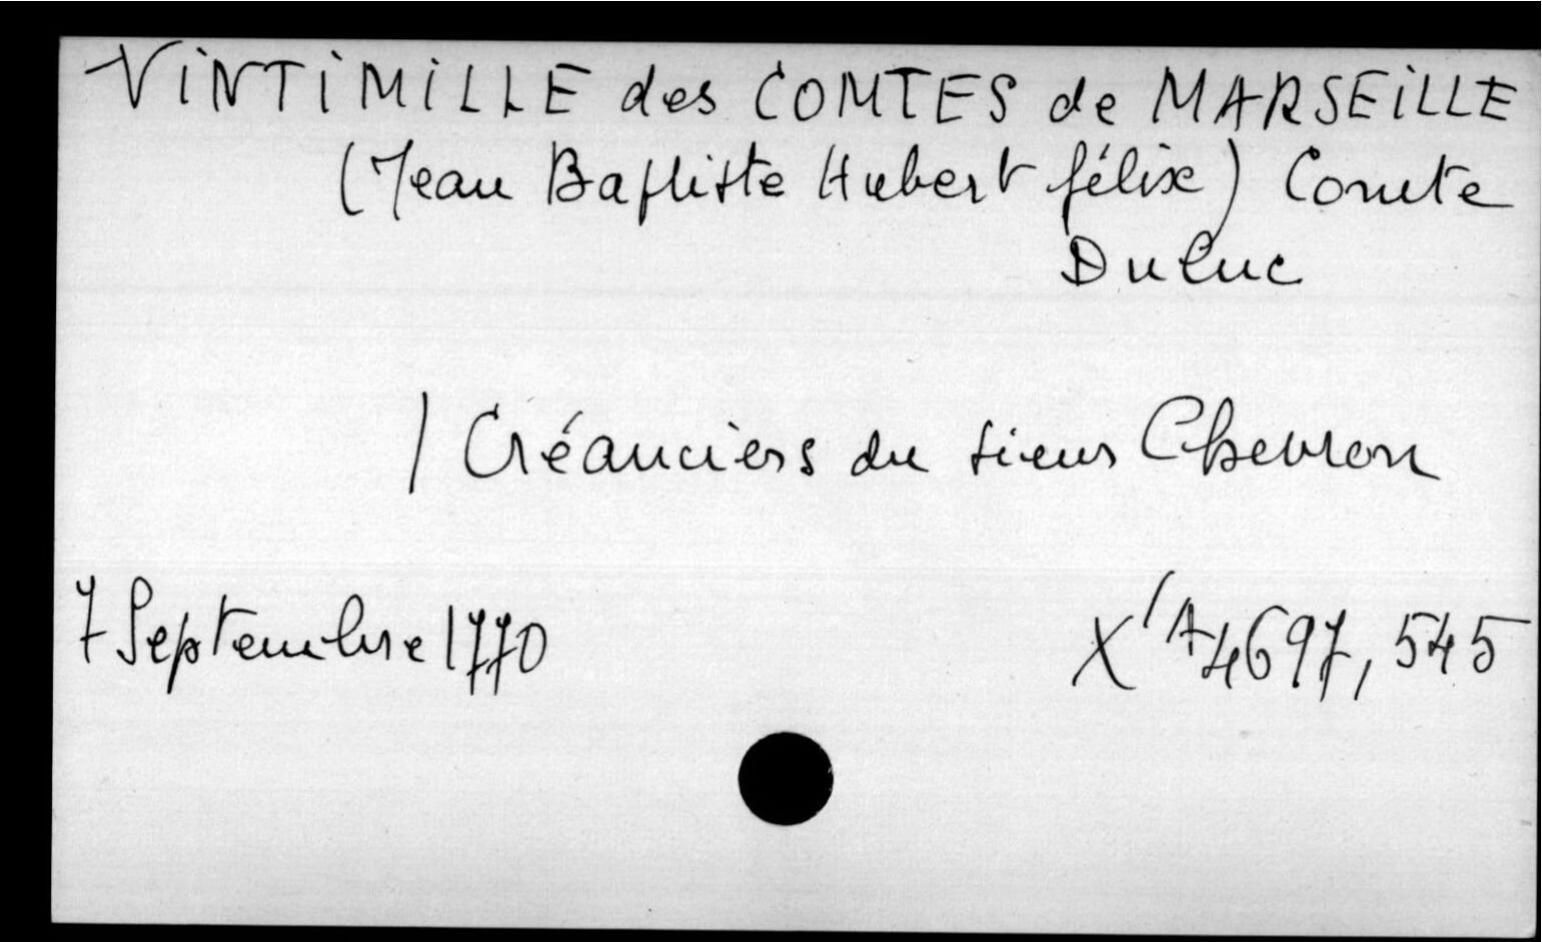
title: VINTIMILLE des COMTES de MARSEILLE (Jean Baptiste Hubert Félix) Comte Du luc
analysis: Contre Créanciers du sieur Chevron
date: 7 septembre 1770
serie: X1A
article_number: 4697
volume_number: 545
